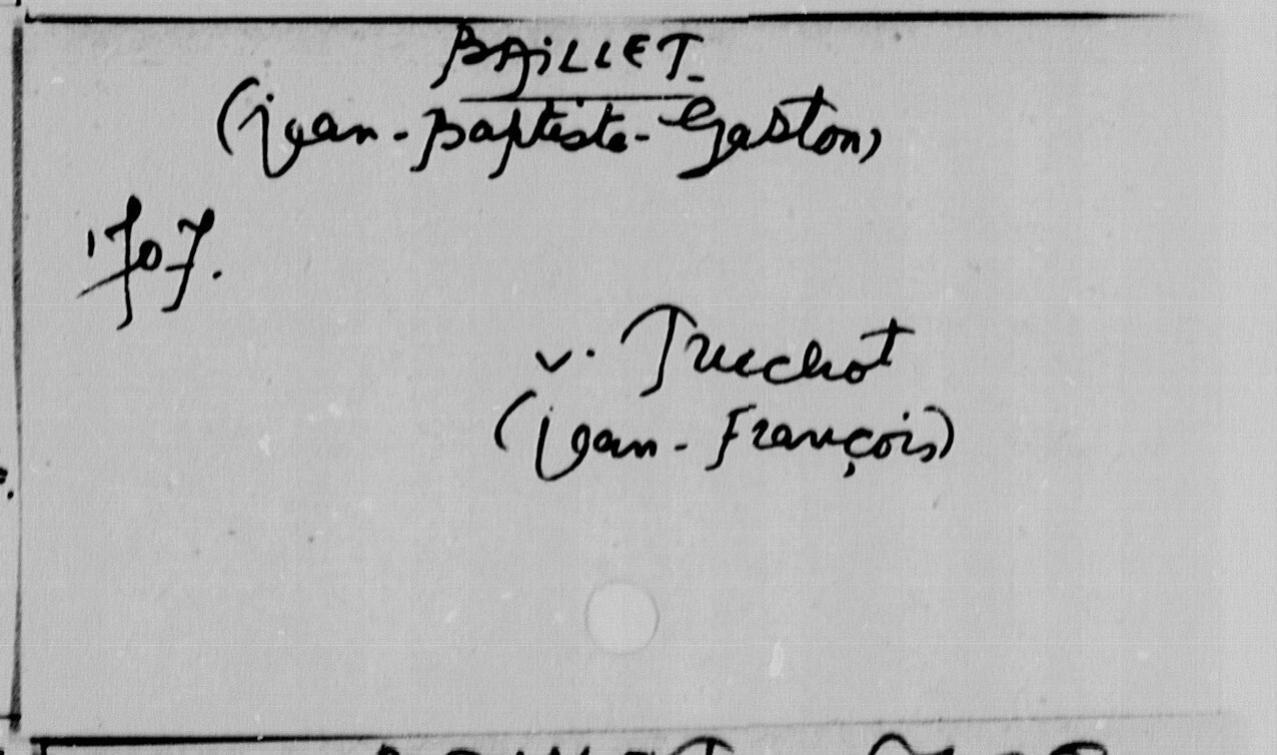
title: BAILLET (Jean-Baptiste-Gaston)
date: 1707
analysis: Voir Truchot (Jean-François)
